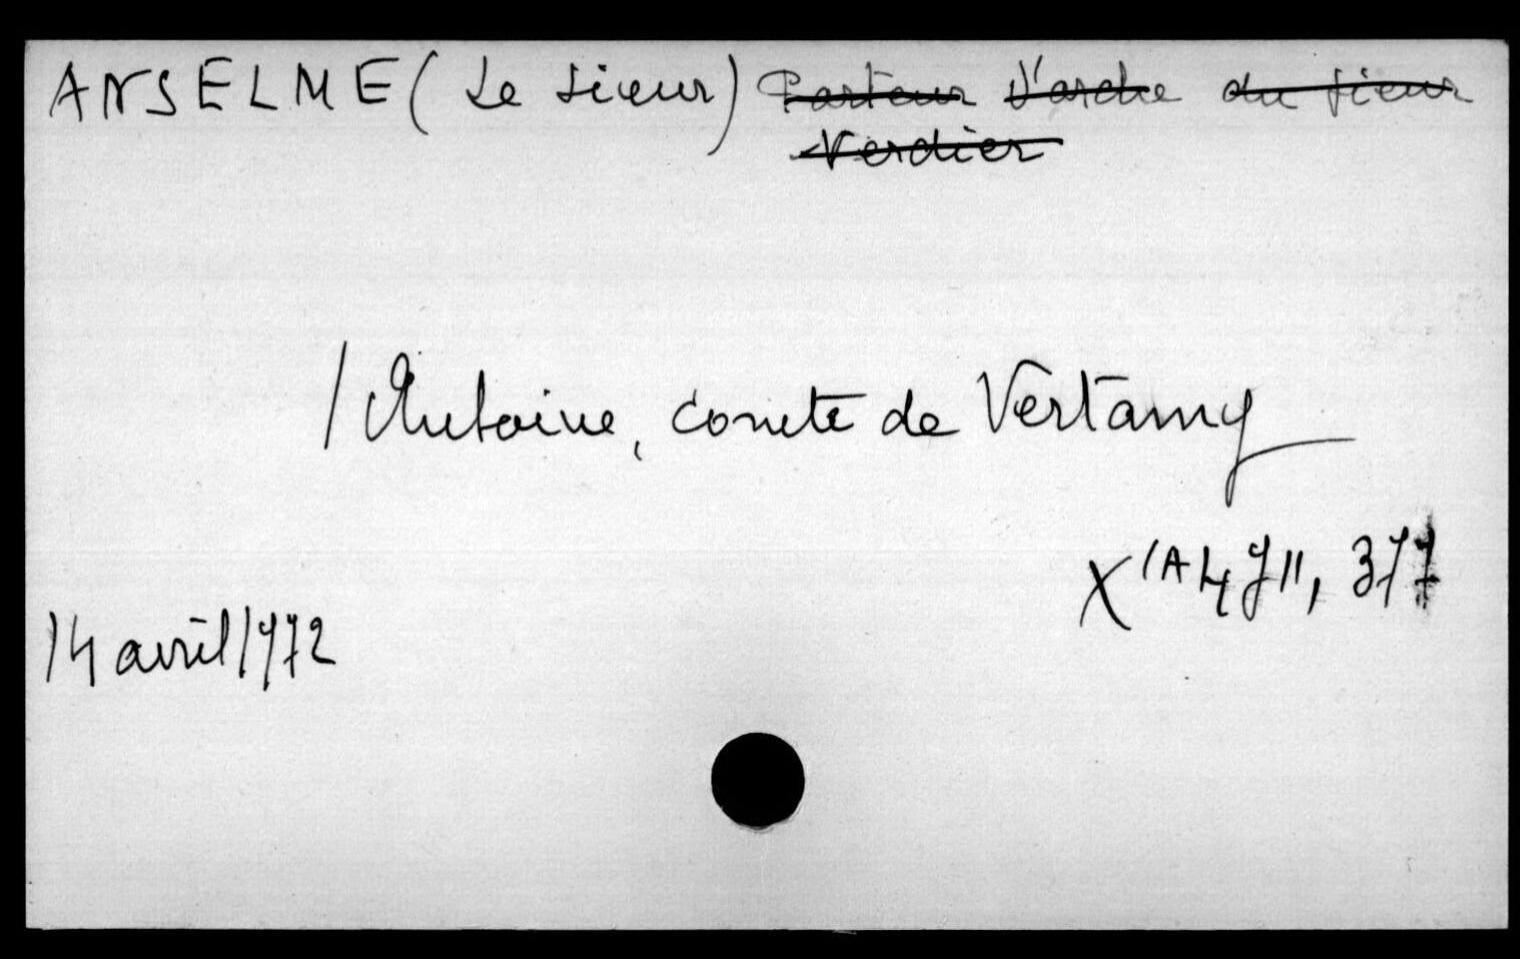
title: ANSELME (le sieur)
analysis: Contre Antoine, comte de Vertamy
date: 14 avril 1772
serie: X1A
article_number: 4711
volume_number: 377
